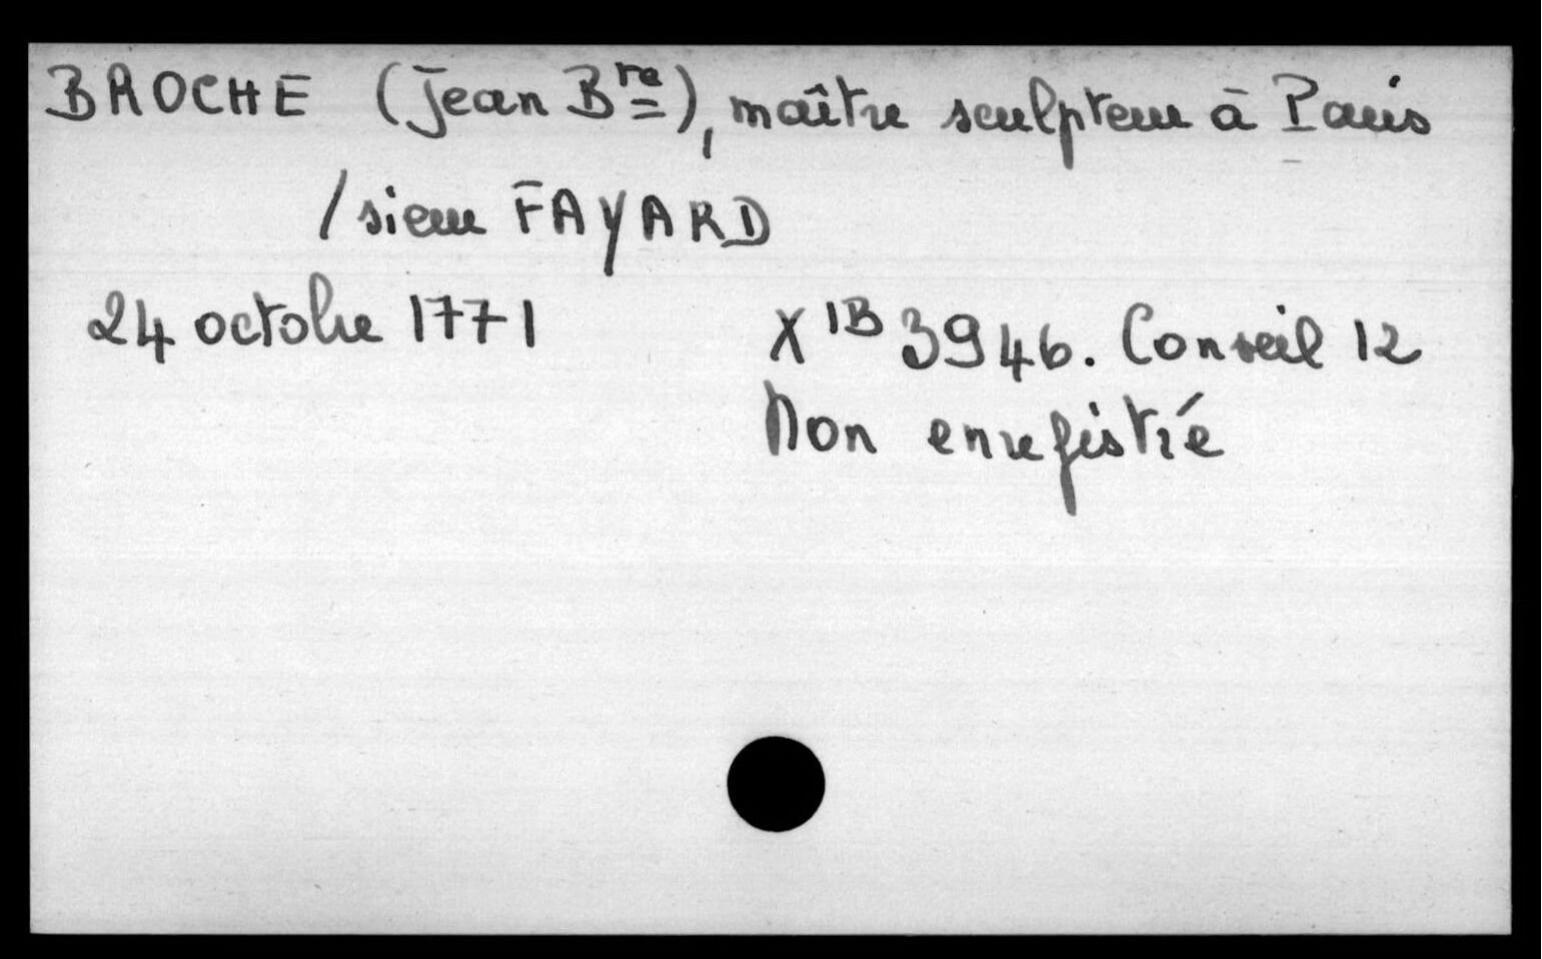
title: BROCHE (Jean Baptiste), maître sculpteur à Paris
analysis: Contre sieur FAYARD
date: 24 octobre 1771
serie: X1A
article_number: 3946
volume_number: Conseil 12
